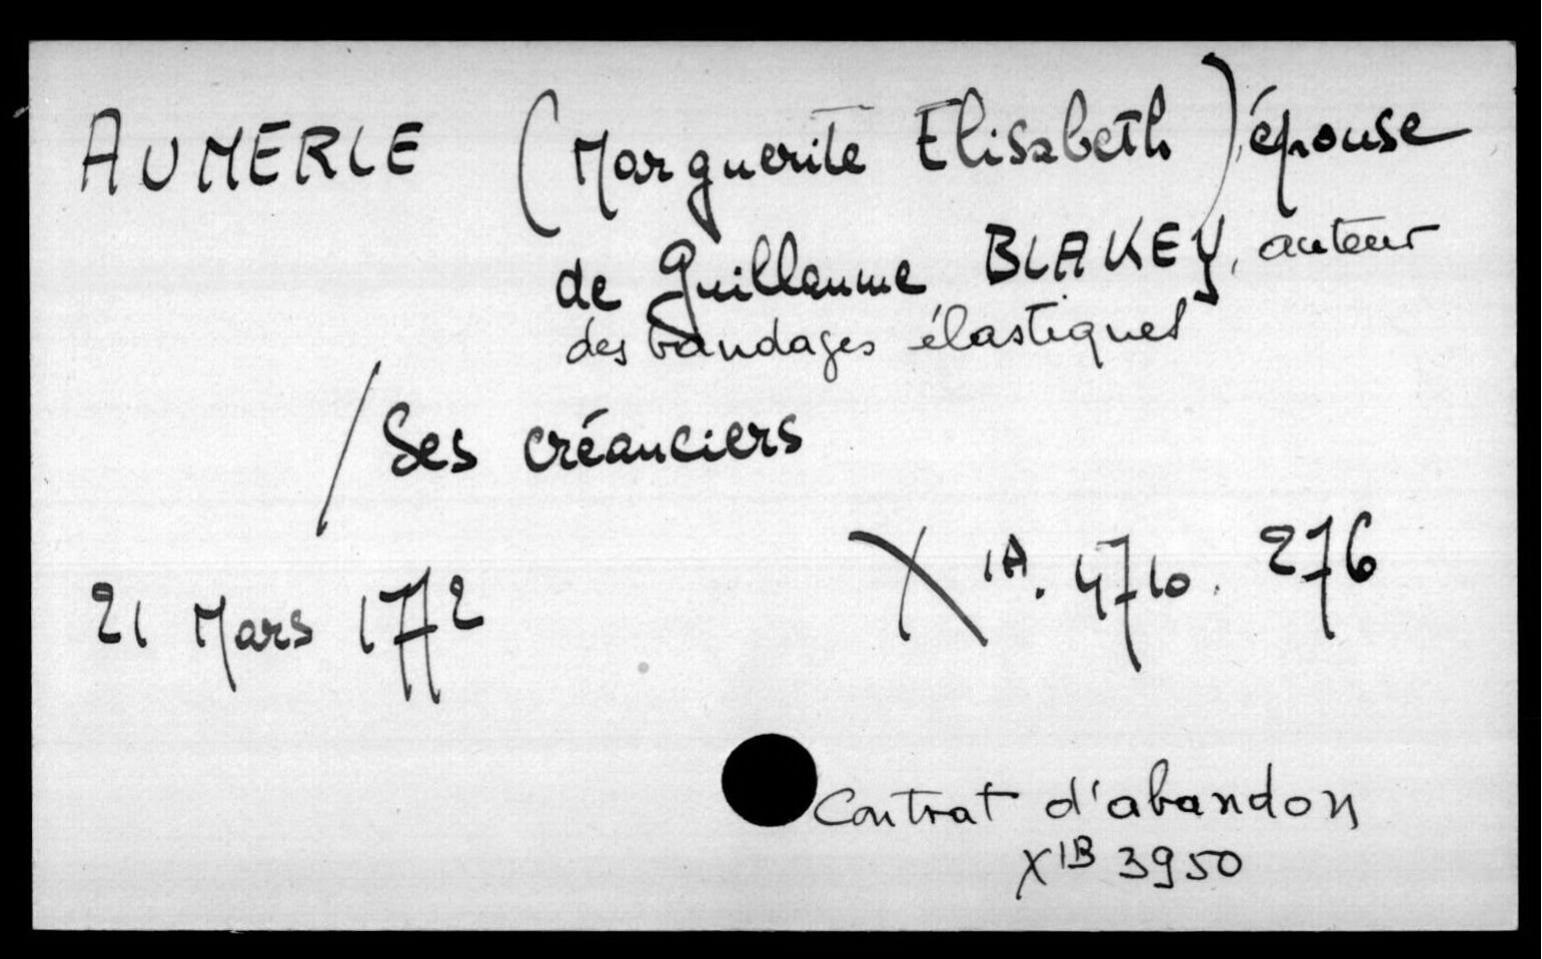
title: AUMERLE (Marguerite Elisabeth) épouse de Guillaume BLAKEY, auteur des bandages élastiques
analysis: Contre ses créanciers
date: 21 mars 1772
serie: X1A
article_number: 4710
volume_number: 276
